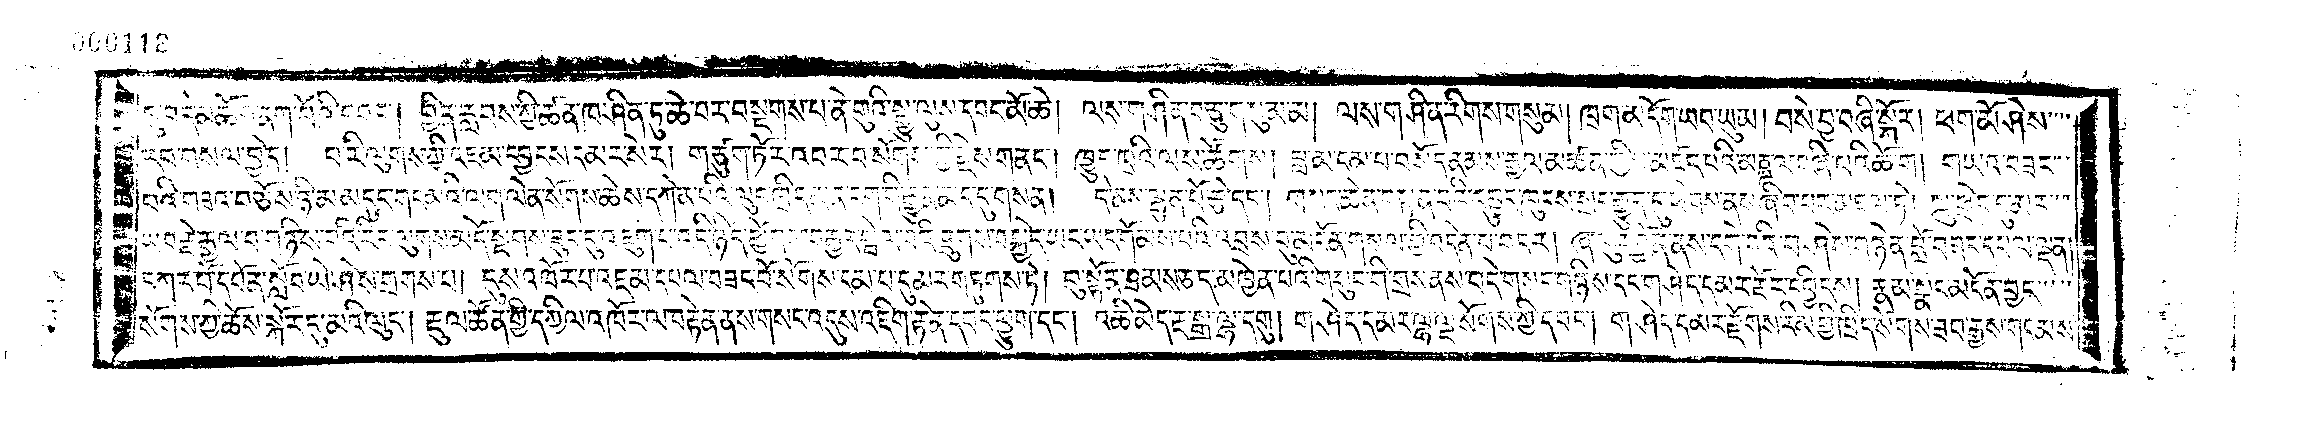དུ་བདེ་མཆོག་ནག་པོའི་དབང་། བྱིན་རླབས་ཀྱི་ཚན་ཁ་ཤིན་ཏུ་ཆེ་བར་བསྔགས་པ་ནི་གུའི་སྒྱུ་ལུས་དབང་མོ་ཆེ། ལས་གཤིན་བཅུ་གསུམ་མ། ལས་གཤིན་རིགས་གསུམ། ཁྲག་མདོག་ཡབ་ཡུམ། བསེ་བྱ་བཞི་སྐོར། ཕག་མོ་ཤེས་
རབ་གསལ་བྱེད། བ་རི་ལུགས་ཀྱི་འཇམ་དབྱངས་དམར་སེར། གཙུག་ཏོར་འབར་བ་སོགས་ཀྱི་རྗེས་གནང་། ཁྱུང་ཁྲའི་ལས་ཚོགས། བླ་མ་དམ་པ་བསོད་ནམས་རྒྱལ་མཚན་གྱིས་མཛད་པའི་མཎྜལ་བཞི་པའི་ཆོ་ག། གཡའ་བཟང་
བའི་གཟའ་བཅོས་ཉི་མ་མདུང་གང་མའི་ལག་ལེན་སོགས་ཆེས་དཀོན་པའི་ལུང་ཁྲིད་མན་ངག་གི་རྒྱུན་མང་དུ་གསན། དེ་ནས་ལྷུན་པོ་རྩེ་དང་། གསང་ཆེན་བསྟན་པའི་འབྱུང་ཁུངས་སྲད་རྒྱུད་དུ་ཕེབས་ནས་ཞིབ་པར་མཇལ་ཏེ། སྐུ་ཕྲེང་དུ་མར་
ཡབ་རྗེ་རྒྱལ་པ་གཉིས་པའི་རིང་ལུགས་མདོ་སྔགས་ཟུང་དུ་འཇུག་པ་འདི་ཉིད་ཕྱོགས་བརྒྱར་སྤེལ་བའི་ཐུགས་བསྐྱེད་ཡང་ཡང་གོམས་པའི་འབྲས་བུ་མངོན་གསལ་གྱི་བདེན་པ་བདར། ཞ་ལུར་བྱོན་ནས་དགེ་བའི་བཤེས་གཉེན་བློ་བཟང་དཔལ་ལྡན།
དཀར་བོ་དཔོན་སློབ་ཡེ་ཤེས་གྲགས་པ། དུས་འཁོར་པ་འཇམ་དཔལ་བཟང་པོ་སོགས་དམ་པ་དུ་མར་གཏུགས་ཏེ། བུ་སྟོན་ཐམས་ཅད་མཁྱེན་པའི་གསུང་གི་གྲས་ནས་བདེ་གསང་གཉིས་དང་གཤེད་དམར་རྡོར་དབྱིངས། རྣམ་སྣང་མངོན་བྱང་
སོགས་ཀྱི་ཆོས་སྐོར་དུ་མའི་ལུང་། རྡུལ་ཚོན་གྱི་དཀྱིལ་འཁོར་ལ་བརྟེན་ནས་གསང་འདུས་འཇིག་རྟེན་དབང་ཕྱུག་དང་། འཆི་མེད་རྔ་སྒྲ་ལྷ་དགུ། གཤེད་དམར་ལྷ་ལྔ་སོགས་ཀྱི་དབང་། གཤེད་དམར་རྫོགས་རིམ་གྱི་ཁྲིད་སོགས་ཟབ་རྒྱས་གདམས་